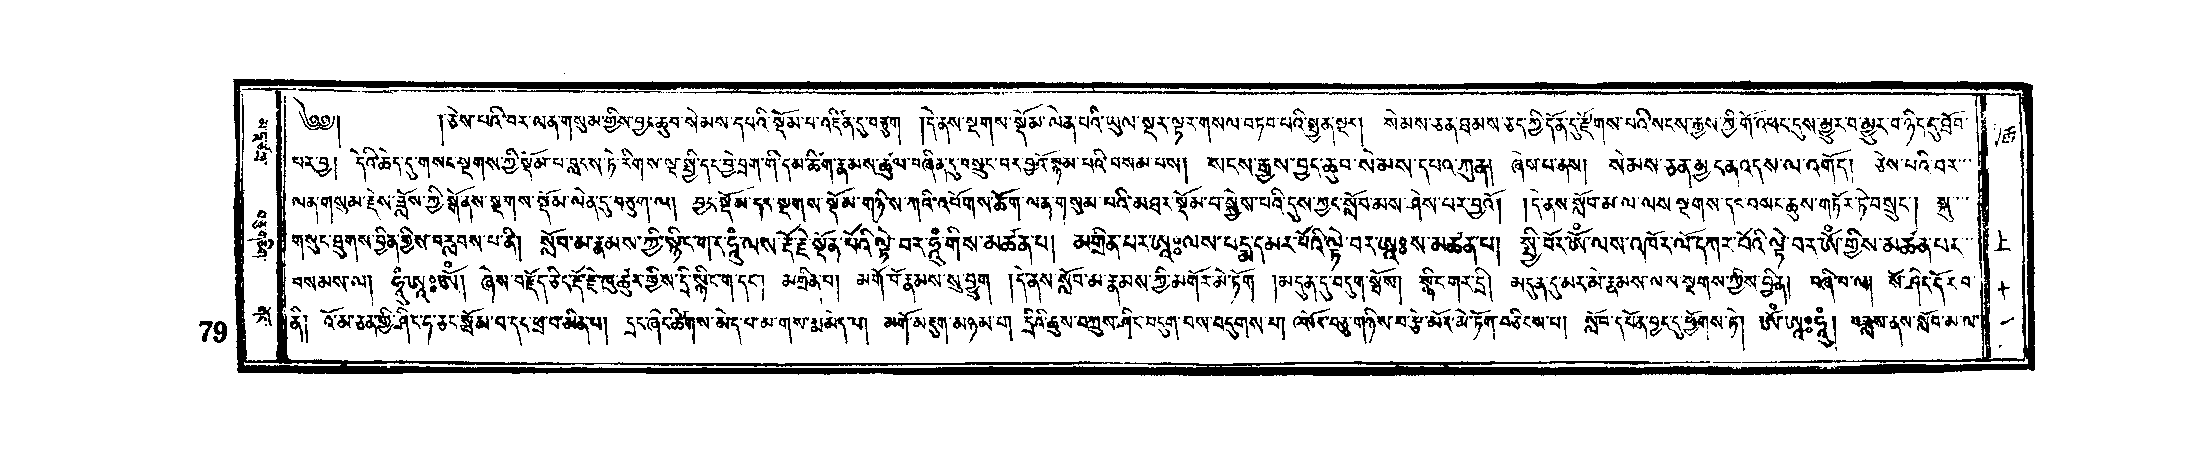༄༅། །ཅེས་པའི་བར་ལན་གསུམ་གྱིས་བྱང་ཆུབ་སེམས་དཔའི་སྡོམ་པ་འཛིན་དུ་བཅུག །དེ་ནས་སྔགས་སྡོམ་ལེན་པའི་ཡུལ་སྔར་ལྟར་གསལ་བཏབ་པའི་སྤྱན་སྔར། སེམས་ཅན་ཐམས་ཅད་ཀྱི་དོན་དུ་རྫོགས་པའི་སངས་རྒྱས་ཀྱི་གོ་འཕང་དུས་མྱུར་བ་མྱུར་བ་ཉིད་དུ་ཐོབ་
པར་བྱ། དེའི་ཆེད་དུ་གསང་སྔགས་ཀྱི་སྡོམ་པ་བླངས་ཏེ་རིགས་ལྔ་སྤྱི་དང་བྱེ་བྲག་གི་དམ་ཚིག་རྣམས་ཚུལ་བཞིན་དུ་བསྲུང་བར་བྱའོ་སྙམ་པའི་བསམ་པས། སངས་རྒྱས་བྱང་ཆུབ་སེམས་དཔའ་ཀུན། ཞེས་པ་ནས། སེམས་ཅན་མྱ་ངན་འདས་ལ་འགོད། ཅེས་པའི་བར་
ལན་གསུམ་རྗེས་ཟློས་ཀྱི་སྒོ་ནས་སྔགས་སྡོམ་ལེན་དུ་བཅུག་ལ། བྱང་སྡོམ་དང་སྔགས་སྡོམ་གཉིས་ཀའི་འབོགས་ཆོག་ལན་གསུམ་པའི་མཐར་སྡོམ་པ་སྐྱེས་པའི་དུས་ཀྱང་སློབ་མས་ཤེས་པར་བྱའོ། །དེ་ནས་སློབ་མ་ལ་ལས་སྔགས་དང་བསང་ཆུས་གཏོར་ཏེ་བསྲུང་། སྐུ་
གསུང་ཐུགས་བྱིན་གྱིས་བརླབས་པ་ནི། སློབ་མ་རྣམས་ཀྱི་སྙིང་གར་ཧཱུཾ་ལས་རྡོ་རྗེ་སྔོན་པོའི་ལྟེ་བར་ཧཱུཾ་གིས་མཚན་པ། མགྲིན་པར་ཨཱཿ ལས་པདམ་དམར་པོའི་ལྟེ་བར་ཨཱཿ ས་མཚན་པ། སྤྱི་བོར་ཨོཾ་ལས་འཁོར་ལོ་དཀར་པོའི་ལྟེ་བར་ཨོཾ་གྱིས་མཚན་པར་
བསམས་ལ། ཧཱུཾ་ཨཱཿ ཨོཾ། ཞེས་བརྗོད་ཅིང་རྡོ་རྗེ་ཁུ་ཚུར་གྱིས་དྲི་སྙིང་ག་དང་། མགྲིན་པ། མགོ་བོ་རྣམས་སུ་བྱུག །དེ་ནས་སློབ་མ་རྣམས་ཀྱི་མགོར་མེ་ཏོག །མདུན་དུ་བདུག་སྤོས། སྙིང་གར་དྲི། མདུན་དུ་མར་མེ་རྣམས་ལས་སྔགས་ཀྱིས་བྱིན། བཞི་པ་ལ། སོ་ཤིང་དོར་བ་
ནི། འོ་མ་ཅན་གྱི་ཤིང་ཧ་ཅང་སྦོམ་པ་དང་ཕྲ་བ་མིན་པ། དྲང་ཞིང་ཚིགས་མེད་པ་མ་གས་རྨ་མེད་པ། མགོ་མཇུག་མཉམ་པ། དྲིའི་ཆུས་བཀྲུས་ཤིང་བདུག་པས་བདུགས་པ། འཁོར་བཅུ་གཉིས་པ་རྩེ་མོར་མེ་ཏོག་བཅིངས་པ། སློབ་དཔོན་བྱང་དུ་ཕྱོགས་ཏེ། ཨོཾ་ཨཱཿ ཧཱུཾ། བཟླས་ནས་སློབ་མ་ལ་